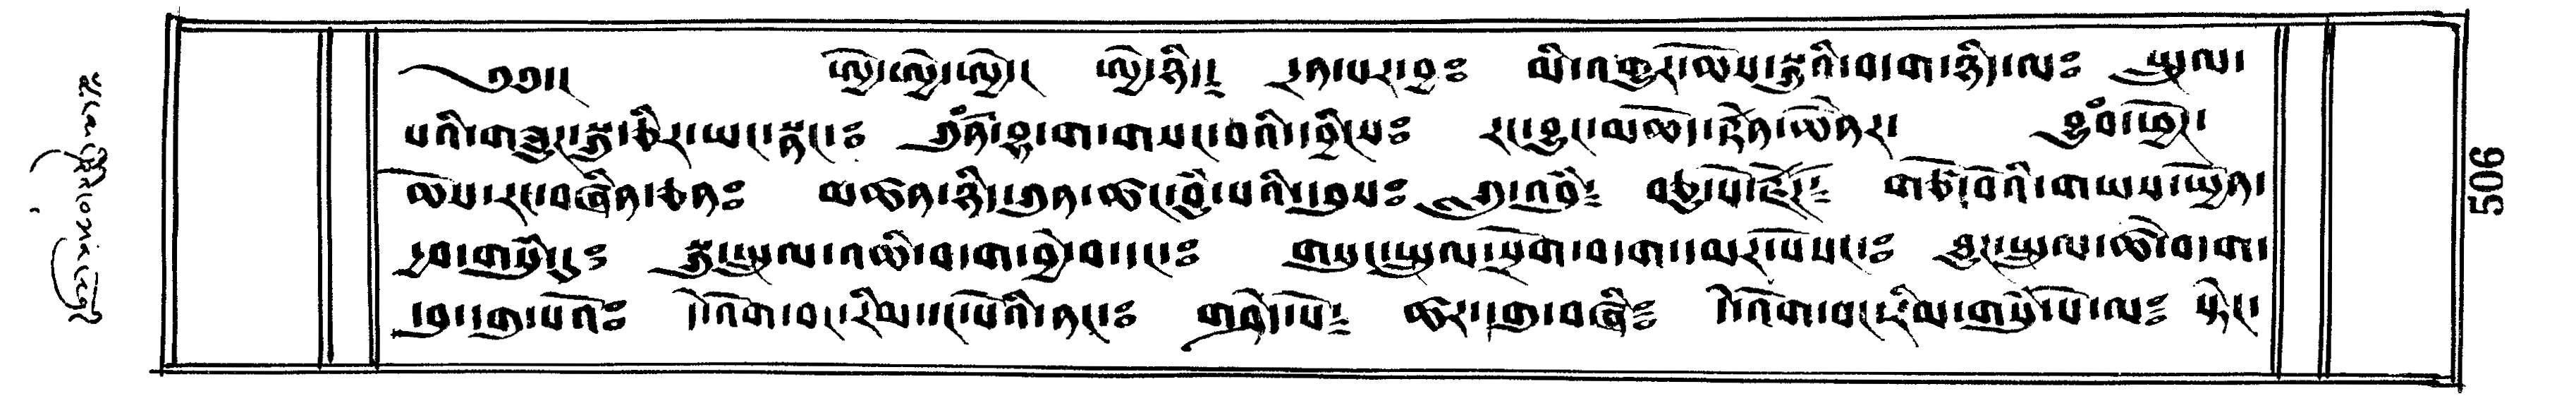༄༅། ཨྱེ་ཨྱེ་ཨྱེ། ཨྱེ་ཉིད། དྲན་པར་བྱ༔ མི་འགྱུར་ཆོས་སྐུའི་བདག་ཉིད་ལ༔ སྤྲུལ་
པའི་གཟུགས་སྐུ་ཅིར་ཡང་སྣང༔ ཀུན་བཟང་བྷ་ག་གསང་བའི་དབྱིངས༔ རང་བྱུང་མཆོད་རྟེན་ཆེན་པོར། བྱང་ཆུབ་ཕྱོགས་
ཆོས་རང་བཞིན་ཅན༔ མཚན་ཉིད་ཀུན་ཚང་བུམ་པའི་དབུས༔ ཀླུ་འབུམ༴ བཅུ་པོ་རྫོགས༴ གཙོ་བོའི་གཡས་གཡོན་
རྒྱབ་གསུམ་དུ༔ སྐུ་སྤྲུལ་འཆི་བདག་བྱེ་བ་དང༔ གསུང་སྤྲུལ་སྲོག་བདག་དམར་པོ་དང༔ ཐུགས་སྤྲུལ་ཚེ་བདག་
དབུ་དགུ་པའོ༔ དེ་འོག་བང་རིམ་དང་པོའི་ནང༔ གཤེད་པོ༴ ཚར་དགུ་བཞི༔ དེ་འོག་བང་རིམ་གསུམ་པོ་ལ༔ སྟེང་